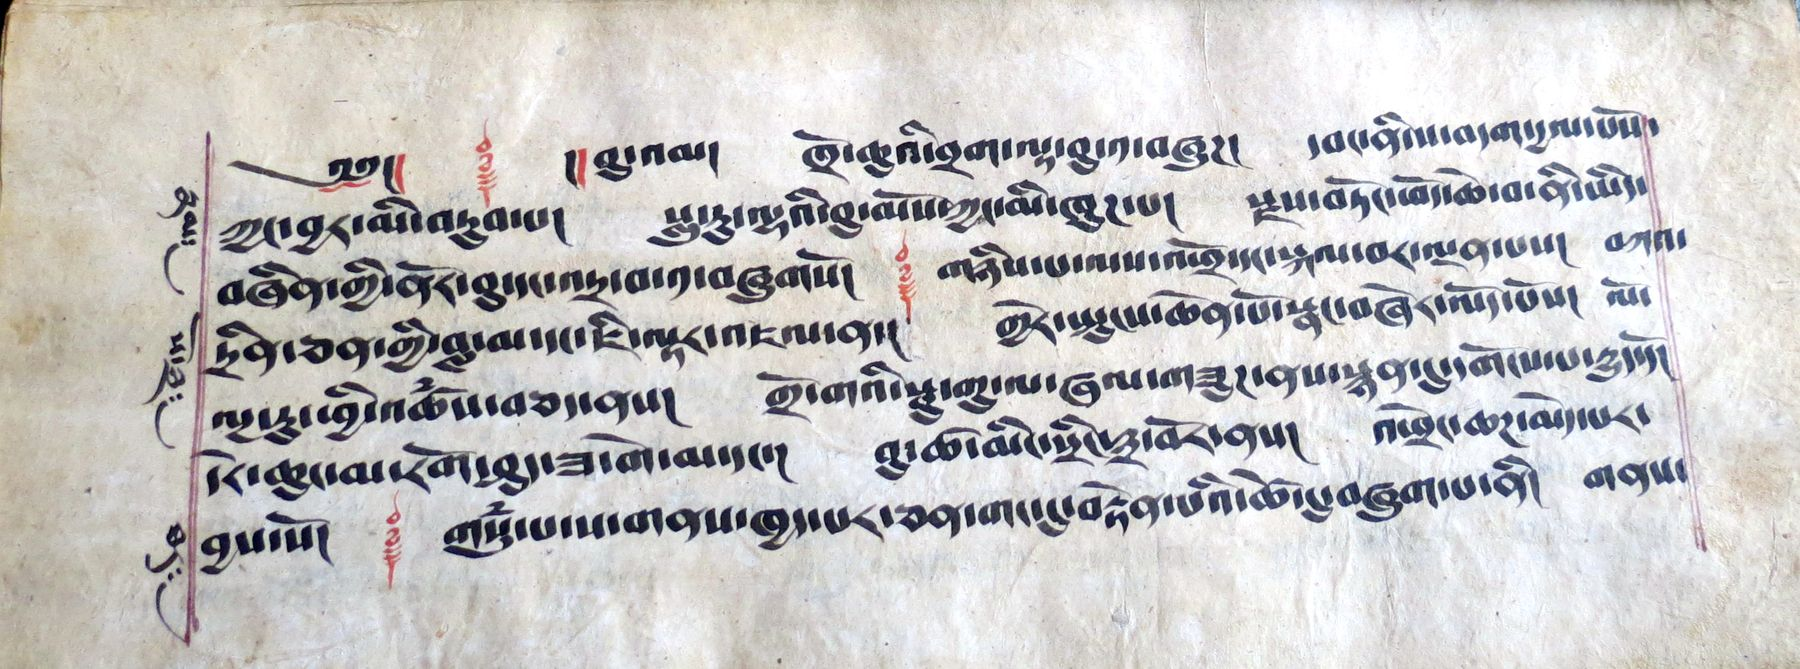བུ་འམ། ཁྲོ་ཆུའི་བྲག་ལྟ་བུ་ཞིག་བཞུགས། དབང་ནི་ས་བདག་རྒྱལ་པོས་
ཀྱང་བསྒྱུར་མི་བཏུབ་པ། བསླུ་རུ་ལྷའི་བུ་མོས་ཀྱང་མི་ཁུགས་པ། རྫས་གཏོང་ཕོད་ཆེ་བ་ནི་ཡིད་
བཞིན་གྱི་ནོར་བུ་དང་འདྲ་བ་ཞིག་བཞུགས་སོ། ། གཉིས་པ་ལས་འཕྲོ་དང་སྐལ་པར་ལྡན་པས། བཀའ་
དྲིན་ཅན་གྱི་བླ་མ་དང་ཅི་ལྟར་མཇལ་ན། གྱེར་སྤུངས་ཆེན་པོ་སྣང་བཞེར་ལོད་པོས། ལོ་
ལྔ་རུ་ཕྱི་མཚམས་བཅད་ནས། གྲོ་གའི་སྦུ་གུ་ལ་ཞལ་གཟུགས་ནས་སྙན་དུ་དགོངས་པས་བརྒྱུད་དོ། ། 
དེར་ཆུང་མ་རོག་ཤུད་བཟའ་དགེ་མ་དང་། བུ་ཚ་མིང་སྲིང་གསུམ་བོར་ནས་འཕྲིང་ཆགས་མེད་པར་
བྱས་སོ། ། གསུམ་པ་ས་གནས་ཁྱད་པར་ཅན་གང་དུ་བཞུགས་པ་ནི། གནས་